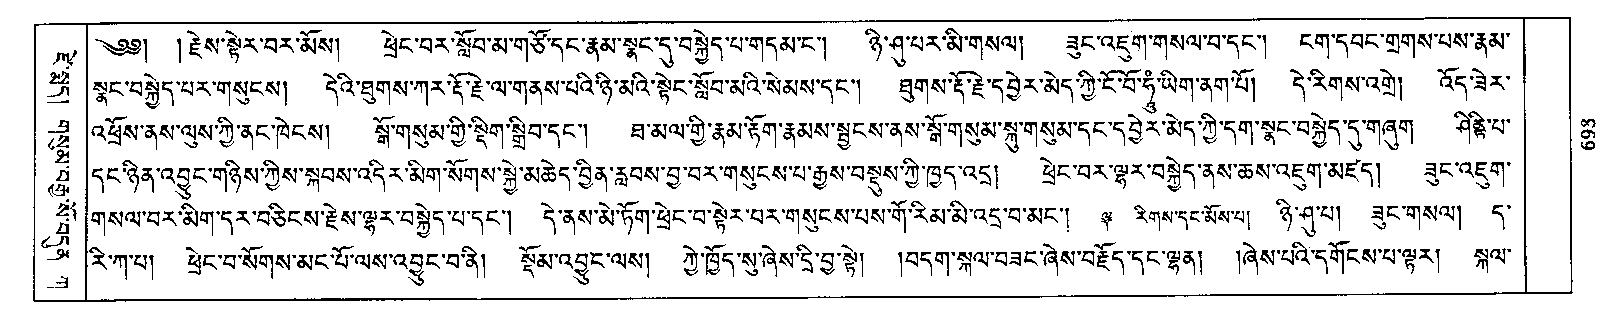༄༅། །རྗེས་སྟེར་བར་མོས། ཕྲེང་བར་སློབ་མ་གཙོ་དང་རྣམ་སྣང་དུ་བསྐྱེད་པ་གདམ་ང་། ཉི་ཤུ་པར་མི་གསལ། ཟུང་འཇུག་གསལ་བ་དང་། ངག་དབང་གྲགས་པས་རྣམ་
སྣང་བསྐྱེད་པར་གསུངས། དེའི་ཐུགས་ཀར་རྡོ་རྗེ་ལ་གནས་པའི་ཉི་མའི་སྟེང་སློབ་མའི་སེམས་དང་། ཐུགས་རྡོ་རྗེ་དབྱེར་མེད་ཀྱི་ངོ་བོ་ཧཱུཾ་ཡིག་ནག་པོ། དེ་རིགས་འགྲེ། འོད་ཟེར་
འཕྲོས་ནས་ལུས་ཀྱི་ནང་ཁེངས། སྒོ་གསུམ་གྱི་སྡིག་སྒྲིབ་དང་། ཐ་མལ་གྱི་རྣམ་རྟོག་རྣམས་སྦྱངས་ནས་སྒོ་གསུམ་སྐུ་གསུམ་དང་དབྱེར་མེད་ཀྱི་དག་སྣང་བསྐྱེད་དུ་གཞུག་ཤིནྟི་པ་
དང་ཉིན་འབྱུང་གཉིས་ཀྱིས་སྐབས་འདིར་མིག་སོགས་སྐྱེ་མཆེད་བྱིན་རླབས་བྱ་བར་གསུངས་པ་རྒྱས་བསྡུས་ཀྱི་ཁྱད་འདྲ། ཕྲེང་བར་ལྷར་བསྐྱེད་ནས་ཆས་འཇུག་མཛད། ཟུང་འཇུག་
གསལ་བར་མིག་དར་བཅིངས་རྗེས་ལྷར་བསྐྱེད་པ་དང་། དེ་ནས་མེ་ཏོག་ཕྲེང་བ་སྟེར་བར་གསུངས་པས་གོ་རིམ་མི་འདྲ་བ་མང་། ༈ རིགས་དང་མོས་པ། ཉི་ཤུ་པ། ཟུང་གསལ། ད་
རི་ཀ་པ། ཕྲེང་བ་སོགས་མང་པོ་ལས་བྱུང་བ་ནི། སྡོམ་འབྱུང་ལས། ཀྱེ་ཁྱོད་སུ་ཞེས་དྲི་བྱ་སྟེ། །བདག་སྐལ་བཟང་ཞེས་བརྗོད་དང་ལྷན། །ཞེས་པའི་དགོངས་པ་ལྟར། སྐལ་